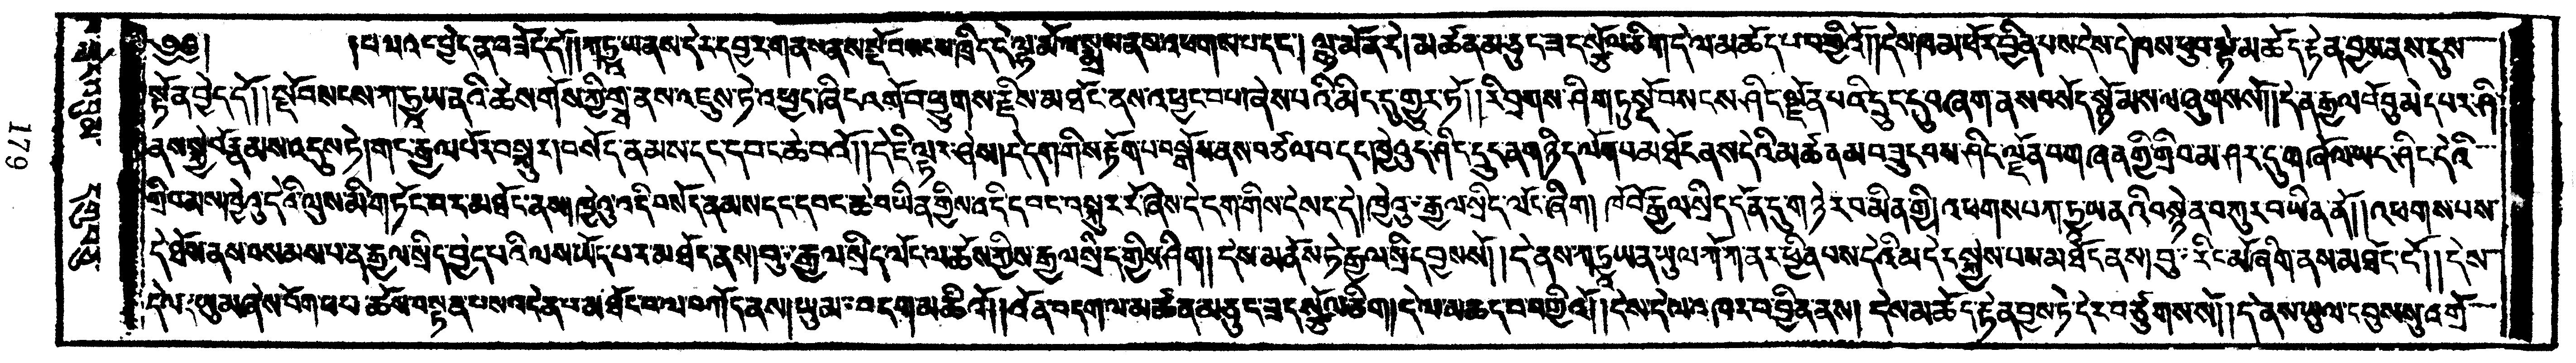༄༅། །པ་ལའང་བྱེད་ན་བཟོད་དོ། །ཀ་ཏྱཱ་ཡ་ནས་དེར་དབྱར་གནས་ནས་སྔོ་བསངས་ཁྲིད་དེ་ལྷ་མོ་ལ་སྨྲས་ནས་འཕགས་པ་དང་། ལྷ་མོ་ན་རེ། མཚན་མ་ཅུད་ཟད་སྩོལ་ཅིག་དེ་ལ་མཆོད་པ་བགྱིའོ། །དེས་ཁམ་ཕོར་བྱིན་པས་དེས་དེ་ཁས་ཕུབ་སྟེ་མཆོད་རྟེན་བྱས་ནས་དུས་
སྟོན་བྱེད་དོ། །སྔོ་བསངས་ཀ་ཏྱཱ་ཡ་ནའི་ཆེས་གོས་ཀྱི་གྲྭ་ནས་འཇུས་ཏེ་འཕྱང་ཞིང་འགོ་བ་ཕྱུགས་རྗིས་མཐོང་ནས་འཕྱང་བ་པ་ཞེས་པའི་མིང་དུ་གྱུར་ཏོ། །རི་བྲགས་ཤིག་ཏུ་སྔོ་བསངས་ཤིང་ལྗོན་པའི་དྲུང་དུ་བཞག་ནས་བསོད་སྙོམས་ལ་ཞུགས་སོ། །དེ་ན་རྒྱལ་པོ་བུ་མེད་པར་ཤི་
ནས་སྐྱེ་བོ་རྣམས་འདུས་ཏེ། གང་རྒྱལ་པོར་བསྐུར། བསོད་ནམས་དང་དབང་ཆེ་བའོ། །དེ་ཇི་ལྟར་ཤེས། དེ་དག་གིས་རྟོག་པ་བསྒོས་ནས་བཙལ་བ་དང་ཁྱེའུ་དེ་ཤིང་དྲུང་ན་གཉིད་ལོག་པ་མཐོང་ནས་དེའི་མཚན་མ་བཟུང་བས་ཤིང་ལྗོན་བ་གཞན་གྱི་གྲིབ་མ་ཤར་དུ་གཞོལ་ཡང་ཤིང་དེའི་
གྲིབ་མས་ཁྱེའུ་དེའི་ལུས་མི་གཏོང་བར་མཐོང་ནས། ཁྱེའུ་འདི་བསོད་ནམས་དང་དབང་ཆེ་བ་ཡིན་གྱིས་འདི་དབང་བསྐུར་རོ་ཞེས་དེ་དག་གིས་དེ་སད་དེ། ཁྱེའུ་རྒྱལ་སྲིད་ལོང་ཞིག། ཁོ་བོ་རྒྱལ་སྲིད་དོན་དུ་གཉེར་བ་མིན་གྱི། འཕགས་པཀ་ཏྱཱ་ཡནའི་བསྙེན་བཀུར་བ་ཡིན་ནོ། །འཕགས་པས་
དེ་ཐོས་ནས་བསམས་པ་ན་རྒྱལ་སྲིད་བྱེད་པའི་ལས་ཡོད་པར་མཐོང་ནས། བུ་རྒྱལ་སྲིད་ལོང་ལ་ཆོས་ཀྱིས་རྒྱལ་སྲིད་གྱིས་ཤིག། དེས་མནོས་ཏེ་རྒྱལ་སྲིད་བྱས་སོ། །དེ་ནས་ཀ་ཏྱཱ་ཡན་ཡུལ་ཀོ་ཀ་ནར་ཕྱིན་པས་དེའི་མདེར་སྐྱེས་པས་མཐོང་ནས། བུ་རིང་མོ་ཞིག་ནས་མཐོང་ངོ། །དེས་
དེ་ལ༑ ཡུམ་ཞེས་བོག་ཕབ་ཆོས་བསྟན་པས་འདེན་པ་མཐོང་བ་ལ་བཀོད་ནས། ཡུམ་བདག་མཆིའོ། །འོན་བདག་ལ་མཚན་མ་ཅུད་ཟད་སྩོལ་ཅིག། དེ་ལ་མཆོད་བ་བགྱིའོ། །དེས་དེ་ལ་འཁར་བ་བྱིན་ནས། དེས་མཆོད་རྟེན་བྱས་ཏེ་དེར་བཙུགས་སོ། །དེ་ནས་ཡུལ་དབུས་སུ་འགྲོ་